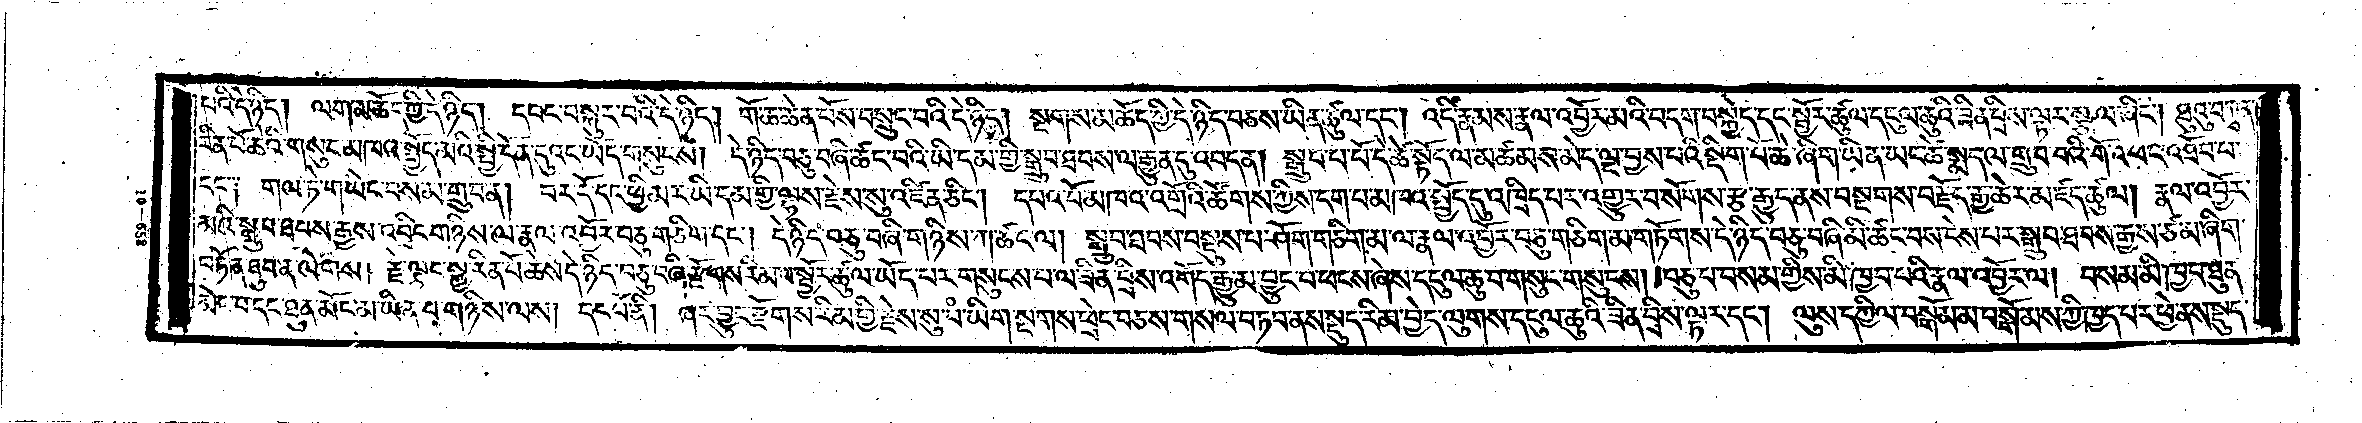པའི་དེ་ཉིད། ལག་མཆོད་ཀྱི་དེ་ཉིད། དབང་བསྐུར་བའི་དེ་ཉིད། གོ་ཆ་ཆེན་པོས་བསྲུང་བའི་དེ་ཉིད། སྔགས་མཆོད་ཀྱི་དེ་ཉིད་བཅས་ཡིན་ཚུལ་དང་། འདི་རྣམས་རྣལ་འབྱོར་མའི་བདག་བསྐྱེད་དང་སྦྱོར་ཚུལ་དངུལ་ཆུའི་ཟིན་བྲིས་ལྟར་སྩལ་ཞིང་། ཐུའུ་བཀྭན་
རིན་པོ་ཆེའི་གསུང་མཁའ་སྤྱོད་མའི་སྤྱི་དོན་དུའང་ཡོད་གསུངས། དེ་ཉིད་བཅུ་བཞི་ཚང་བའི་ཡི་དམ་གྱི་སྒྲུབ་ཐབས་ལ་རྒྱུན་དུ་འབད་ན། སྒྲུབ་པ་པོ་དེ་ཚེ་སྟོད་ལ་མཚམས་མེད་ལྔ་བྱས་པའི་སྡིག་པོ་ཆེ་ཞིག་ཡིན་ཡང་ཚེ་སྨད་ལ་གྲུབ་པའི་གོ་འཕང་འཐོབ་པ་
དང༑ གལ་ཏེ་གཡེང་བས་མ་གྲུབ་ན། བར་དོ་དང་ཕྱི་མར་ཡི་དམ་གྱི་ལྷས་རྗེས་སུ་འཛིན་ཅིང་། དཔའ་བོ་མཁའ་འགྲོའི་ཚོགས་ཀྱིས་དག་པ་མཁའ་སྤྱོད་དུ་འཁྲིད་པར་འགྱུར་བ་སོགས་རྩ་རྒྱུད་ནས་བསྔགས་བརྗོད་རྒྱ་ཆེར་མཛད་ཚུལ། རྣལ་འབྱོར་
མའི་སྒྲུབ་ཐབས་རྒྱས་འབྲིང་གཉིས་ལ་རྣལ་འབྱོར་བཅུ་གཅིག་དང་། དེ་ཉིད་བཅུ་བཞི་གཉིས་ཀ་ཚང་ལ། སྒྲུབ་ཐབས་བསྡུས་པ་ཤོག་གཅིག་མ་ལ་རྣལ་འབྱོར་བཅུ་གཅིག་མ་གཏོགས་དེ་ཉིད་བཅུ་བཞི་མི་ཚང་བས་ངེས་པར་སྒྲུབ་ཐབས་རྒྱས་ཙམ་ཞིག་
བཏོན་ཐུབ་ན་ལེགས། རྗེ་ལྕང་སྐྱ་རིན་པོ་ཆེས་དེ་ཉིད་བཅུ་བཞི་རྫོགས་རིམ་ལ་སྦྱོར་ཚུལ་ཡོད་པར་གསུངས་པ་ལ་ཟིན་བྲིས་འགོད་རྒྱུ་མ་བྱུང་བ་ཕངས་ཞེས་དངུལ་ཆུ་བ་གསུང་གསུངས། བཅུ་པ་བསམ་གྱིས་མི་ཁྱབ་པའི་རྣལ་འབྱོར་ལ། བསམ་མི་ཁྱབ་ཐུན་
མོང་བ་དང་ཐུན་མོང་མ་ཡིན་པ་གཉིས་ལས། དང་པོ་ནི། ཞར་བྱུང་རྫོགས་རིམ་གྱི་རྗེས་སུ་བཾ་ཡིག་སྔགས་ཕྲེང་བཅས་གསལ་བཏབ་ནས་སྡུད་རིམ་བྱེད་ལུགས་དངུལ་ཆུའི་ཟིན་བྲིས་ལྟར་དང་། ལུས་དཀྱིལ་བསྒོམ་མ་བསྒོམས་ཀྱི་ཁྱད་པར་ཕྱེ་ནས་སྡུད་